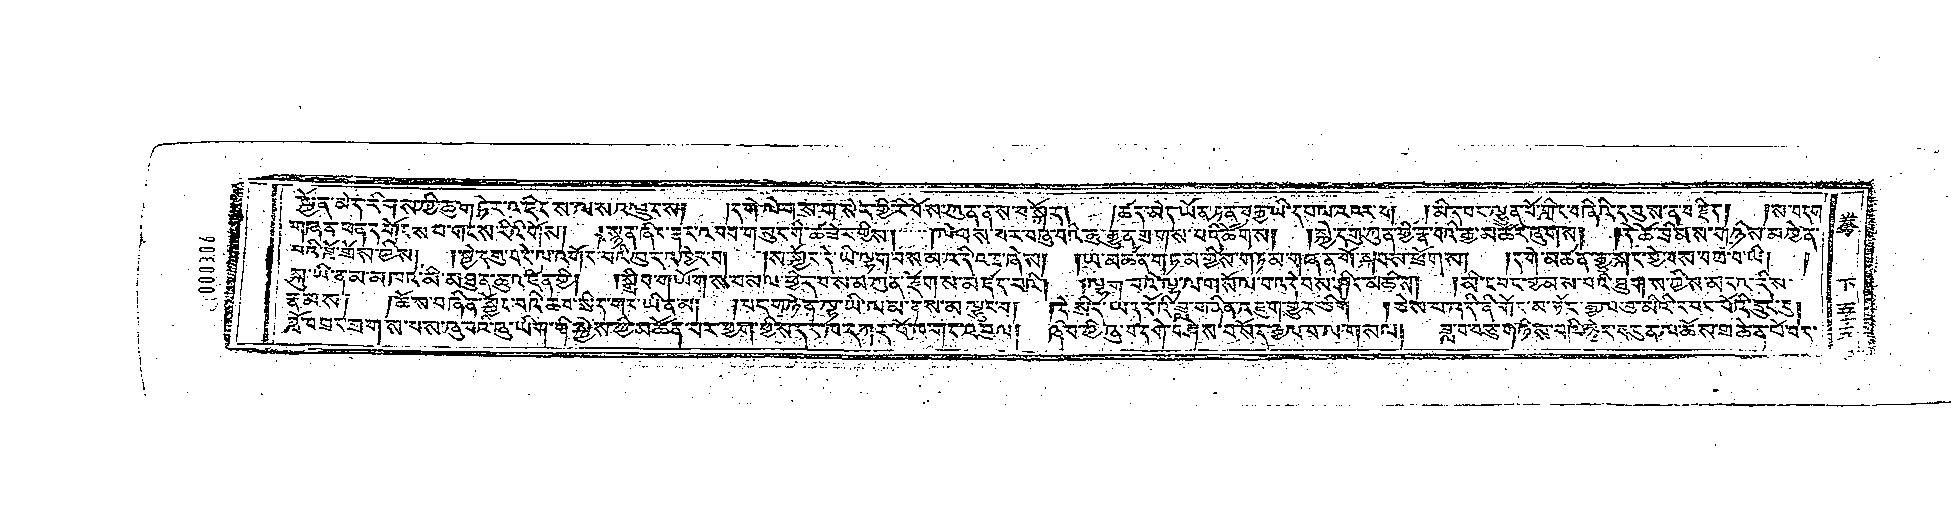སྐྱོན་མེད་རིགས་ཀྱི་ཆུ་གཏེར་འཇིངས་ལས་འཁྲུངས། །དགེ་ལེགས་གསེར་གྱི་རི་བོས་ཀུན་ནས་བསྐོར། །ཚད་མེད་ཡོན་ཏན་བརྒྱ་ཡི་དཔལ་འབར་བ། །མི་དབང་ལྷུན་པོ་གླིང་བཞིའི་དབུས་ན་བརྗིད། །ས་བདག་
གཞན་ཕན་དགོངས་པ་གངས་རིའི་གོས། །སྙན་ཞིང་ནང་འབབ་གསུང་གི་ཚ་ཟེར་གྱིས། །ལེགས་པར་བཞུ་བའི་ཆུ་རྒྱུན་གྲགས་པའི་ཚོགས། །སྐྱེ་དགུ་ཀུན་གྱི་རྣ་བའི་རྒྱ་མཚོར་ཞུགས། །དེ་ཚེ་ཁྲིམས་གཉིས་མཁྱེན་
པའི་བློ་གྲོས་ཀྱིས། །སྐྱེ་དགུ་བདེ་ལ་འགོད་པའི་ཁུར་འཁྱེར་བ། །ས་སྐྱོང་དེ་ཡི་ལྷག་བསམ་འདི་འདྲ་ཞེས། །ཡ་མཚན་གཏམ་གྱིས་གཏམ་གཞན་གོ་སྐབས་ཕྲོགས། །དགེ་མཚན་རྒྱུ་སྐར་ཕྱེ་བས་བཀྲ་བ་ཡི། །
སྐུ་ཡི་ནམ་མཁའ་མི་མཐུན་ཆུ་འཛིན་གྱི། །སྒྲིབ་གཡོགས་བསལ་ཕྱིར་བསམ་ཀུན་རྫོགས་མཛད་པའི། །ལྷག་པའི་ལྷ་ལ་གསོལ་བ་འདེབས་ཤིང་མཆིས། །མི་དབང་བྱམས་པའི་ཐུགས་ཀྱིས་མངའ་རིས་
རྣམས། །ཆོས་བཞིན་སྐྱོང་བའི་ཆབ་སྲིད་གང་ཡིན་མ། །པད་གཉེན་ལྷ་ཡི་ལམ་ནས་མ་ལྷུང་བ། །དེ་སྲིད་ཡར་ངོའི་ཟླ་བཞིན་འཇུག་གྱུར་ཅིག །ཅེས་པ་འདི་ནི་གོང་མ་ཧོང་རྒྱལ་བུ་མིའི་དབང་པོའི་དྲུང་དུ། །
བློ་བཟང་གྲགས་པས་ཞུ་བའི་ཞུ་ཡིག་གི་སྐྱེས་ཀྱི་མཚོན་པར་ཕྱག་ཕྱིས་དང་ཁ་དཀར་པོ་ཁ་གང་འབུལ། ཞིབ་ཀྱི་ཞུ་བ་དགེ་བཤེས་བསོད་རྒྱལ་བ་ལ་གསལ། ཟླ་བ་བཅུ་གཉིས་པའི་ཉེར་བདུན་ལ་ཆོས་གྲ་ཆེན་པོ་བདེ་